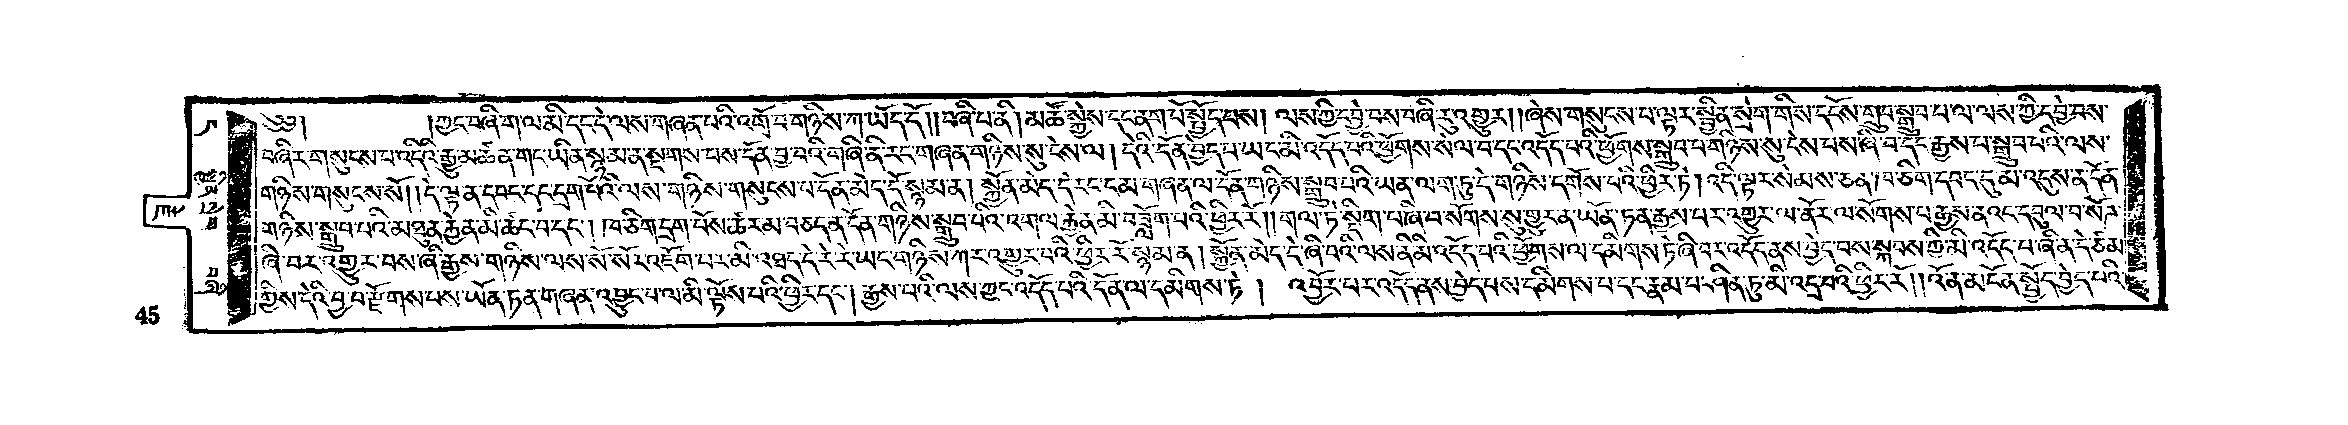༄༅། །ཀྱང་བཞི་ག་ལ་མི་དང་དེ་ལས་གཞན་པའི་འགྲོ་བ་གཉིས་ཀ་ཡོད་དོ། །བཞི་པ་ནི། མཚོ་སྐྱེས་དང་ནག་པོ་སྤྱོད་པས། ལས་ཀྱི་དབྱེ་བས་བཞི་རུ་འགྱུར། །ཞེས་གསུངས་པ་ལྟར་སྦྱིན་སྲེག་གིས་དངོས་གྲུབ་སྒྲུབ་པ་ལ་ལས་ཀྱི་དབྱེ་བས་
བཞིར་གསུངས་པ་འདིའི་རྒྱུ་མཚན་གང་ཡིན་སྙམ་ན་སྔགས་པས་དོན་བྱ་བའི་གཞི་ནི་རང་གཞན་གཉིས་སུ་ངེས་ལ། དེའི་དོན་བྱེད་པ་ཡང་མི་འདོད་པའི་ཕྱོགས་སེལ་བ་དང་འདོད་པའི་ཕྱོགས་སྒྲུབ་པ་གཉིས་སུ་ངེས་པས་ཞི་བ་དང་རྒྱས་པ་སྒྲུབ་པའི་ལས་
གཉིས་གསུངས་སོ། །དེ་ལྟ་ན་དབང་དང་དྲག་པོའི་ལས་གཉིས་གསུངས་པ་དོན་མེད་དོ་སྙམ་ན། སྐྱོན་མེད་དེ་རང་ངམ་གཞན་ལ་དོན་གཉིས་སྒྲུབ་པའི་ཡན་ལག་ཏུ་དེ་གཉིས་དགོས་པའི་ཕྱིར་ཏེ། འདི་ལྟར་སེམས་ཅན་ཁ་ཅིག་དབང་དུ་མ་འདུས་ན་དོན་
གཉིས་སྒྲུབ་པའི་མཐུན་རྐྱེན་མི་ཚང་བ་དང་། ཁ་ཅིག་དྲག་པོས་ཚར་མ་བཅད་ན་དོན་གཉིས་སྒྲུབ་པའི་འགལ་རྐྱེན་མི་བཟློག་པའི་ཕྱིར་རོ། །གལ་ཏེ་སྡིག་པ་ཞི་བ་སོགས་སུ་གྱུར་ན་ཡོན་ཏན་རྒྱས་པར་འགྱུར་ལ་ནོར་ལ་སོགས་པ་རྒྱས་ནའང་དབུལ་བ་སོགས་
ཞི་བར་འགྱུར་བས་ཞི་རྒྱས་གཉིས་ལས་སོ་སོར་འཇོག་པར་མི་འཐད་དེ་རེ་རེ་ཡང་གཉིས་ཀར་འགྱུར་བའི་ཕྱིར་རོ་སྙམ་ན། སྐྱོན་མེད་དེ་ཞི་བའི་ལས་ནི་མི་འདོད་པའི་ཕྱོགས་ལ་དམིགས་ཏེ་ཞི་བར་འདོད་ནས་བྱེད་པས་སྐབས་ཀྱི་མི་འདོད་པ་ཞི་ན་དེ་ཙམ་
གྱིས་དེའི་བྱ་བ་རྫོགས་པས་ཡོན་ཏན་གཞན་འབྱུང་བ་ལ་མི་ལྟོས་པའི་ཕྱིར་དང་། རྒྱས་པའི་ལས་ཀྱང་འདོད་པའི་དོན་ལ་དམིགས་ཏེ། འབྱོར་པར་འདོད་ནས་བྱེད་པས་དམིགས་པ་དང་རྣམ་པ་ཤིན་ཏུ་མི་འདྲ་བའི་ཕྱིར་རོ། །འོ་ན་མངོན་སྤྱོད་བྱེད་པའི་